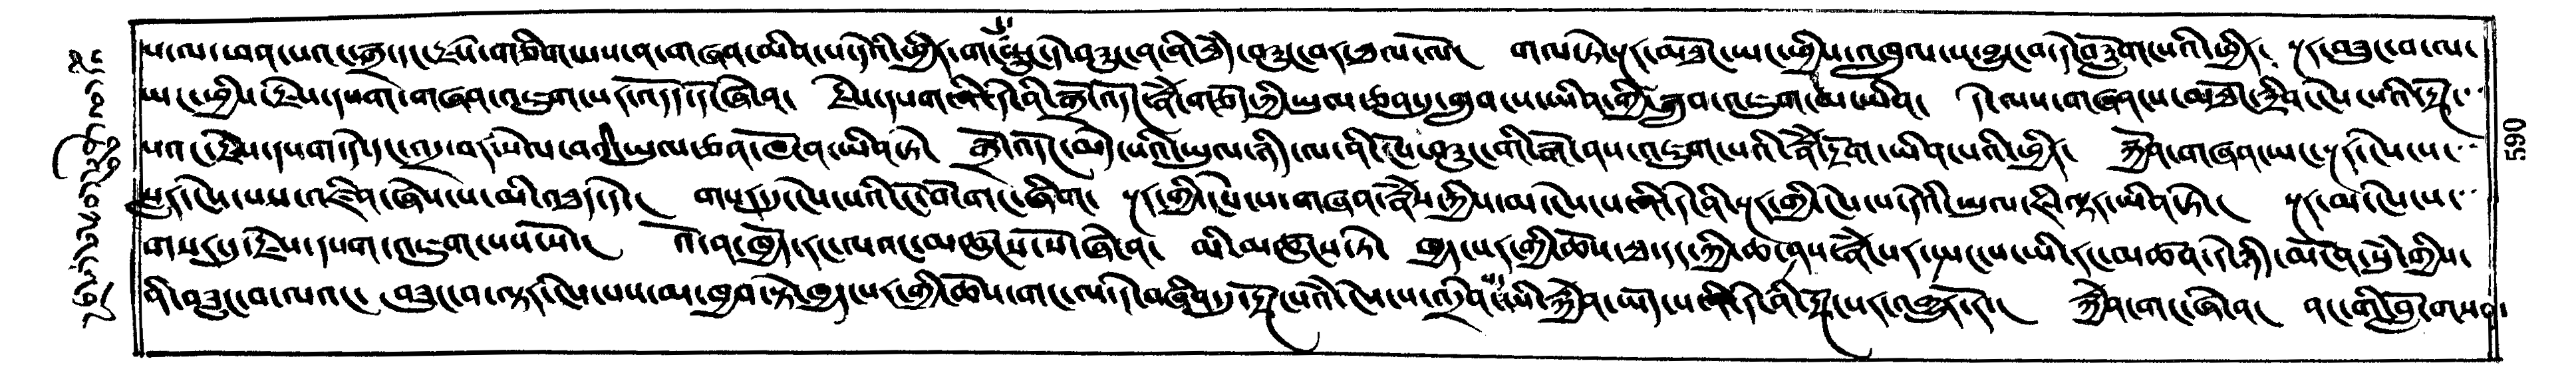པ་ལ་ཕན་པའང་སྒྲ་དང་རྫས་གཅིག་པས་ན་གཞན་མིན་པ་དེའི་ཕྱིར་གང་དུ་དེ་བཟུང་ན་ནི་ཐམས་ཅད་བཟུང་བར་ཐལ་ལོ།། གལ་ཏེ་སྔར་མཐོང་ཡང་ཕྱིས་འཁྲུལ་པ་བྱུང་བ་དེ་བཟློག་པའི་ཕྱིར། སྔར་བཟུང་བ་ལ་
ཡང་ཕྱིས་རྗེས་དཔག་གཞན་འཇུག་པར་འདོད་དོ་ཞེ་ན། རྗེས་དཔག་དེ་ནི་སྒྲོ་འདོགས་རྣམ་གཅོད་ཀྱི་ཡུལ་ཅན་དུ་གྲུབ་པ་ཡིན་གྱི་སྒྲུབ་འཇུག་མ་ཡིན། དེ་ལས་གཞན་པ་མཐོང་ཟིན་ངེས་པའི་རྟོག་
པའམ་རྗེས་དཔག་དེ་དང་འདྲ་བར་སེལ་བའི་ཡུལ་ཅན་ཁོ་ན་ཡིན་ཏེ། སྒྲོ་འདོགས་མེད་པའི་ཡུལ་ཉིད་ལ་ནི་ངོས་བཟུང་གི་སྒོ་ནས་འཇུག་པའི་རྣམ་རྟོག་ཡིན་པའི་ཕྱིར། སྐྱོན་གཞན་ཡང་སྔར་ངེས་པ་
སླར་ངེས་པས་འཛིན་ཞེས་པ་མི་འཐད་དེ། གསར་དུ་ངེས་པའི་ངོ་བོ་གང་ཞིག སྔར་གྱི་ངེས་པ་གཞན་རྣམས་ཀྱིས་མ་ངེས་པ་དེ་ནི་སྔར་གྱི་ངེས་པ་དེའི་ཡུལ་ལྟར་ཡིན་ཏེ། སྔར་མ་ངེས་པ་
གསར་དུ་རྗེས་དཔག་འཇུག་པས་སོ།། འོ་ན་ཁྱོད་རང་ལའང་མཚུངས་སོ་ཞེ་ན། མི་མཚུངས་ཏེ། ཁྱད་པར་གྱི་ཆོས་ཐ་དད་ཀྱི་ཆ་ཤས་རྣམ་པར་སྤང་པའི་རང་མཚན་དེ་ཉིད་མངོན་སུམ་གྱིས་
ནི་བཟུང་བ་ལའང་། བཟུང་བ་ལྟར་ངེས་པས་མ་ཁྱབ་སྟེ་ཁྱད་པར་གྱི་ཆོས་གང་ལ་དེ་བཞིན་དུ་རྟོགས་པའམ་ངེས་པ་འདྲེན་པའི་རྐྱེན་ཡོད་པ་དེ་ནི་རྟོགས་པར་འགྱུར་རོ།། རྐྱེན་གང་ཞེ་ན།ནང་གི་བློ་གསལ་